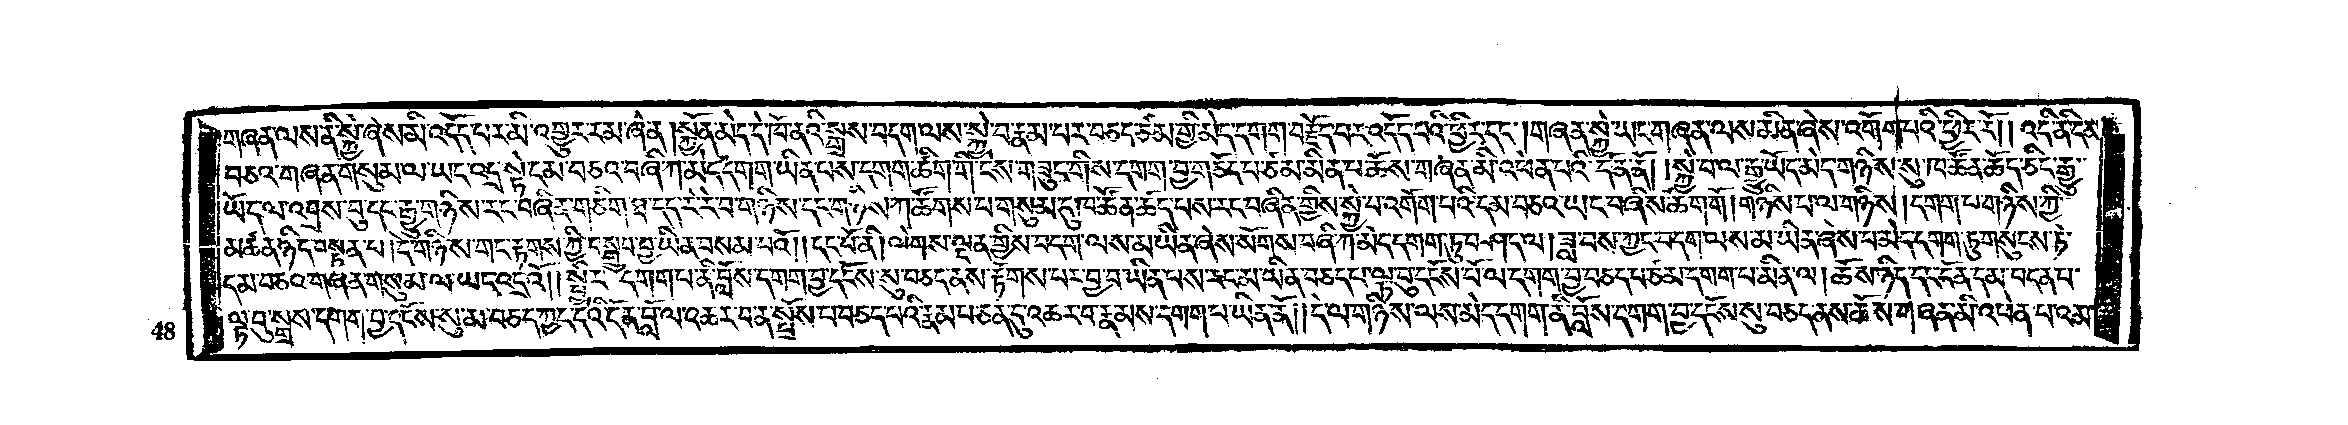གཞན་ལས་ནི་སྐྱེ་ཞེས་མི་འདོད་པར་མི་འགྱུར་རམ་ཞེ་ན། སྐྱོན་མེད་དེ་ཁོ་ནའི་སྒྲས་བདག་ལས་སྐྱེ་བ་རྣམ་པར་བཅད་ཙམ་གྱི་མེད་དགག་བརྗོད་པར་འདོད་པའི་ཕྱིར་དང་། གཞན་སྐྱེ་ཡང་གཞན་ལས་མིན་ཞེས་འགོག་པའི་ཕྱིར་རོ། །འདི་ནི་དམ་
བཅའ་གཞན་གསུམ་ལ་ཡང་འདྲ་སྟེ་དམ་བཅའ་བཞི་ཀ་མེད་དགག་ཡིན་པས་དགག་ཚིག་གི་ངེས་གཟུང་གིས་དགག་བྱ་གཅོད་པ་ཙམ་མིན་པ་ཆོས་གཞན་མི་འཕེན་པའི་དོན་ནོ། །སྐྱེ་བ་ལ་རྒྱུ་ཡོད་མེད་གཉིས་སུ་ཁ་ཚོན་ཆོད་ཅིང་རྒྱུ་
ཡོད་ལ་འབྲས་བུ་དང་རྒྱུ་གཉིས་རང་བཞིན་གཅིག་ཐ་དད་རེ་རེ་བ་གཉིས་དང་གཉིས་ཀ་ཚོགས་པ་གསུམ་དུ་ཁ་ཚོན་ཚད་པས་རང་བཞིང་ཡི་སྐྱེ་བ་འགོག་པའི་དམ་བཅའ་ཡང་བཞིས་ཆག་གོ། །གཉིས་པ་ལ་གཉིས། དགག་པ་གཉིས་ཀྱི་
མཚན་ཉིད་བསྟན་པ། དེ་གཉིས་གང་རྟགས་ཀྱི་བསྒྲུབ་བྱ་ཡིན་བསམ་པའོ། །དང་པོ་ནི། ལེགས་ལྡན་གྱིས་བདག་ལས་མ་ཡིན་ཞེས་སོགས་བཞི་ཀ་མེད་དགག་ཏུ་བཤད་ལ། ཟླ་བས་ཀྱང་བདག་ལས་མ་ཡིན་ཞེས་པ་མེད་དགག་ཏུ་གསུངས་ཏེ་
དམ་བཅའ་གཞན་གསུམ་ལ་ཡང་འདྲའོ། །སྤྱིར་དགག་པ་ནི་བློས་དགག་བྱ་དངོས་སུ་བཅད་ནས་རྟོགས་པར་བྱ་བ་ཡིན་པས་རང་མ་ཡིན་བཅད་པ་ལྟ་བུ་དངོས་པོ་ལ་དགག་བྱ་བཅད་པ་ཙམ་དགག་པ་མིན་ལ། ཆོས་ཉིད་དང་དོན་དམ་བདེན་པ་
ལྟ་བུ་སྒྲས་དགག་བྱ་དངོས་སུ་མ་བཅད་ཀྱང་དེའི་དོན་བློ་ལ་འཆར་བ་ན་སྤྲོས་པ་བཅད་པའི་རྣམ་པ་ཅན་དུ་འཆར་བ་རྣམས་དགག་པ་ཡིན་ནོ། །དེ་ལ་གཉིས་ལས་མེད་དགག་ནི་བློས་དགག་བྱ་དངོས་སུ་བཅད་ནས་ཆོས་གཞན་མི་འཕེན་པའམ་